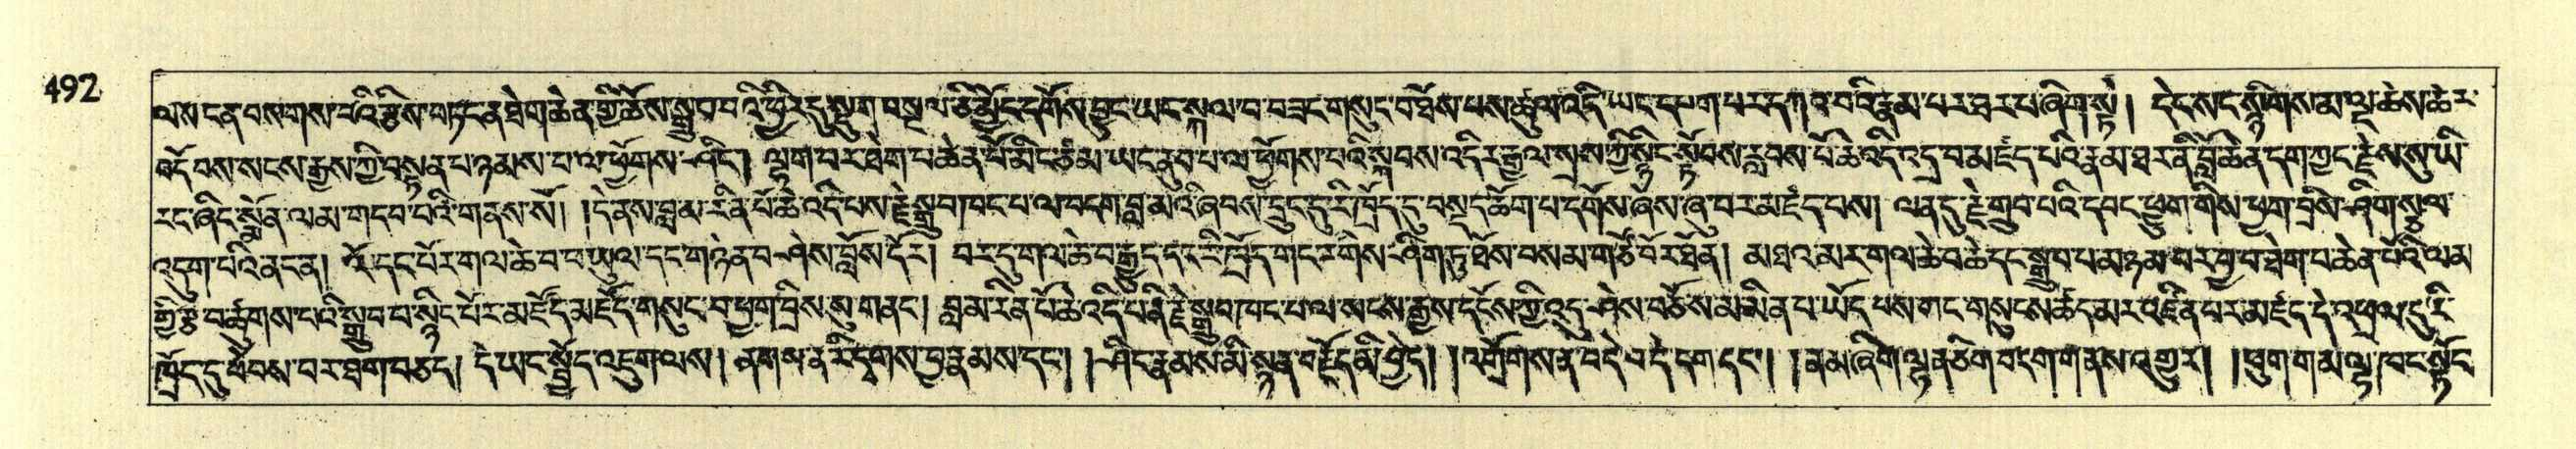ལས་ངན་བསགས་པའི་རྩིས་བཏང་ན་ཐེག་ཆེན་གྱི་ཆོས་སྒྲུབ་པའི་ཕྱིར་དུ་སྡུག་བསྔལ་ཅི་མྱོང་དགོས་བྱུང་ཡང་སྐལ་བཟང་གསུང་བ་ཐོས་པས་ཚུལ་འདི་ཡང་དཔག་པར་དཀའ་བའི་རྣམ་པར་ཐར་པ་ཞིག་སྟེ། དེང་སང་སྙིགས་མ་ལྔ་ཆེས་ཆེར་
བདོ་བས་སངས་རྒྱས་ཀྱི་བསྟན་པ་ཉམས་པ་ལ་ཕྱོགས་ཤིང་། ལྷག་པར་ཐེག་པ་ཆེན་པོ་མིང་ཙམ་ཡང་ནུབ་པ་ལ་ཕྱོགས་པའི་སྐབས་འདིར་རྒྱལ་སྲས་ཀྱི་སྙིང་སྟོབས་རླབས་པོ་ཆེ་འདི་འདྲ་བ་མཛད་པའི་རྣམ་ཐར་ནི་བློ་ཆེན་དག་ཀྱང་རྗེས་སུ་ཡི་
རང་ཞིང་སྨོན་ལམ་གདབ་པའི་གནས་སོ། །དེ་ནས་བླ་མ་རིན་པོ་ཆེ་འདི་པས་རྗེ་སྒྲུབ་ཁང་པ་ལ་བདག་བླ་མའི་ཞབས་དྲུང་དུ་རི་ཁྲོད་དུ་བསྡད་ཆོག་པ་དགོས་ཞེས་ཞུ་བར་མཛད་པས། ལན་དུ་རྗེ་གྲུབ་པའི་དབང་ཕྱུག་གིས་ཕྱག་བྲིས་ཤིག་སྩལ་
འདུག་པའི་ནང་ན། འོ་དང་པོར་གལ་ཆེ་བ་ཕ་ཡུལ་དང་གཉེན་བཤེས་བློས་དོར། བར་དུ་གལ་ཆེ་བ་རྒྱུད་དང་རི་ཁྲོད་གང་རིགས་ཤིག་ཏུ་ཐོས་བསམ་གཙོ་བོར་ཐོན། མཐའ་མར་གལ་ཆེ་བ་ཆེ་དང་སྒྲུབ་པ་མཉམ་བར་བྱ་བ་ཐེག་པ་ཆེན་པོའི་ལམ་
གྱི་རྩ་བ་ཚུགས་པའི་སྒྲུབ་པ་སྙིང་པོར་མཛོད་མཛོད་གསུང་བ་ཕྱག་བྲིས་སུ་གནང་། བླ་མ་རིན་པོ་ཆེ་འདི་པ་ནི་རྗེ་སྒྲུབ་ཁང་པ་ལ་སངས་རྒྱས་དངོས་ཀྱི་འདུ་ཤེས་བཅོས་མ་མིན་པ་ཡོད་པས་གང་གསུངས་ཚད་མར་འཛིན་པར་མཛད་དེ་འཕྲལ་དུ་རི་
ཁྲོད་དུ་ཕེབས་བར་ཐག་བཅད། དེ་ཡང་སྤྱོད་འཇུག་ལས། ནགས་ན་རི་དྭགས་བྱ་རྣམས་དང་། །ཤིང་རྣམས་མི་སྙན་བརྗོད་མི་བྱེད། །འགྲོགས་ན་བདེ་བདེ་དག་དང་། །ནམ་ཞིག་ལྷག་ཅིག་བདག་གནས་འགྱུར། །ཕུག་གམ་ལྷ་ཁང་སྟོང་